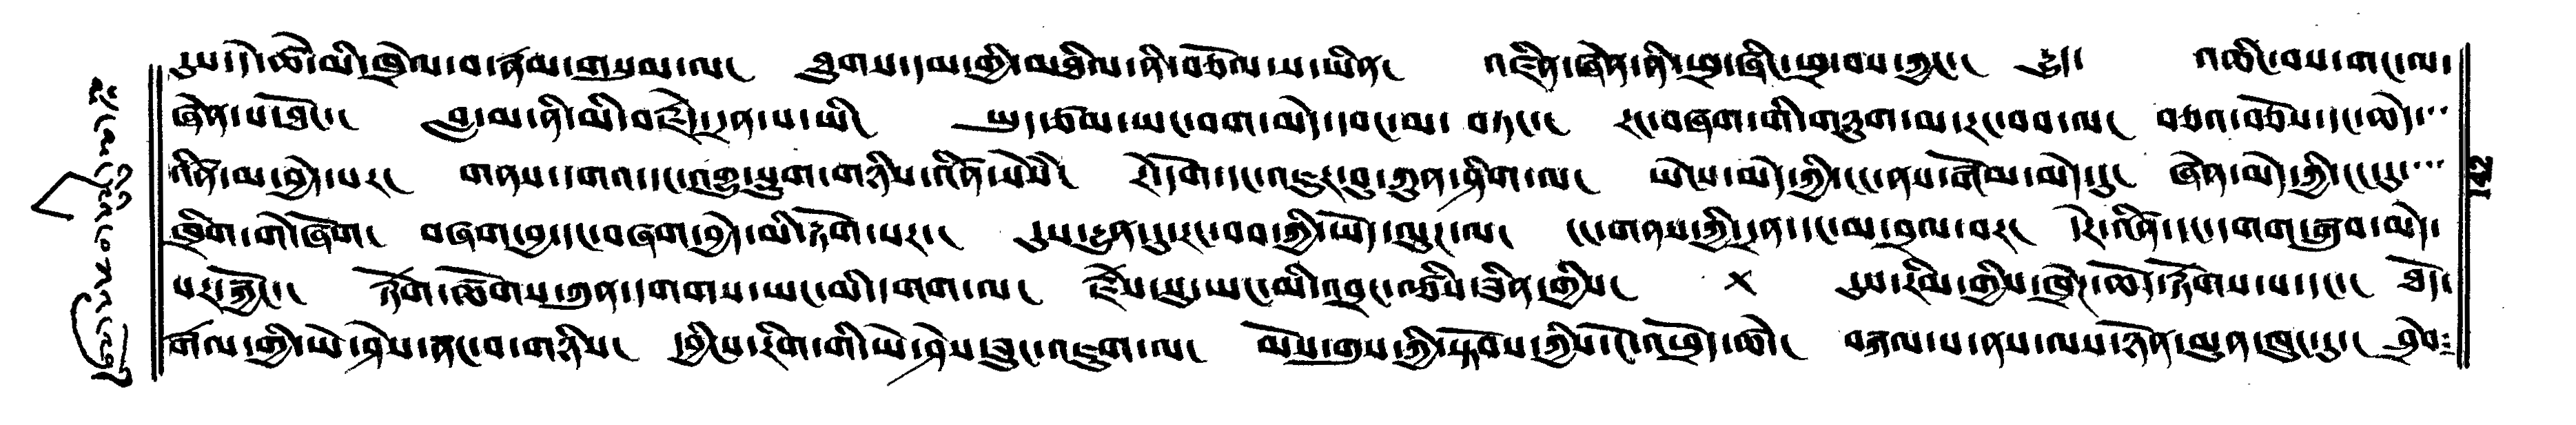།དུས་དེ་ཚེ་མི་ཁྲེལ་བ་རྣམ་གསུམ་ལ། །ཐུགས་དམ་གྱི་མཐིལ་ནི་བཅོལ་པ་ཡིན། །འཛིན་ཞེན་ནི་ཕྲ་ཞིང་ཕྲ་བས་ཀྱང་། །རྒྱུད་འཆིང་བས་གང་ལའང་
ཞེན་པ་ཐོང་། །བླ་མ་ནི་མི་བརྗེད་དྲན་པ་ཡིས། །ཡུད་ཙམ་ཡང་བག་མེད་དབང་མགཏོང་། །རང་བཞག་གི་གཉུག་མ་རང་བབ་ལ། །བཅའ་བཅོས་དང་ཆེད་
འཛིན་མ་བྱེད་པར། །གནས་དགའ་དང་འགྱུ་སྡུག་གཉིས་འཛིན་སེམས། །རེ་དོགས་དང་འཇུར་བུ་ཀུན་ཤིག་ལ། །ཡེངས་མེད་ཀྱི་ངང་ནས་སྒོམ་མེད་དུ། །ཞེན་མེད་ཀྱི་ངང་དུ་
ཁྲིག་གེ་ཞོག །གཞག་བྱ་དང་འཇོག་བྱེད་མི་རྟོག་པར། །དུས་རྒྱུན་དུ་རང་བབ་ཀྱི་ཡོད་ལུགས་ལ། །ངང་གནས་ཀྱི་དྲན་དང་མ་བྲལ་བར། །དེར་འཛིན་དང་དགག་སྒྲུབ་མེད་
པར་སྐྱོངས། །རྟོག་ཚོགས་ཀུན་དགག་ཀྱང་མི་དགག་ལ། །རྗེས་སུ་ཡང་མི་འབྲང་རྩིས་ཟིན་གྱིས། (བར་འདིར་ཚིགས་རྐང་འགའ་ཞིག་ཆད་དམ་སྙམ། )? དུས་རིམ་གྱིས་ཁྲེགས་ཆོད་རྟོགས་པ་དང་། །ཐོད་
རྒལ་གྱི་ཡེ་ཤེས་སྣང་བ་གཉིས། །དབྱིངས་རིག་གི་ཡེ་ཤེས་ཟུང་འཇུག་ལ། །མོས་གུས་ཀྱི་སྟོབས་ཀྱིས་ངོ་འཕྲོད་ཚེ། །བསྐལ་པ་ནས་ལས་ཉོན་མུན་ཁུང་དུ། །ཤེས་རབ་